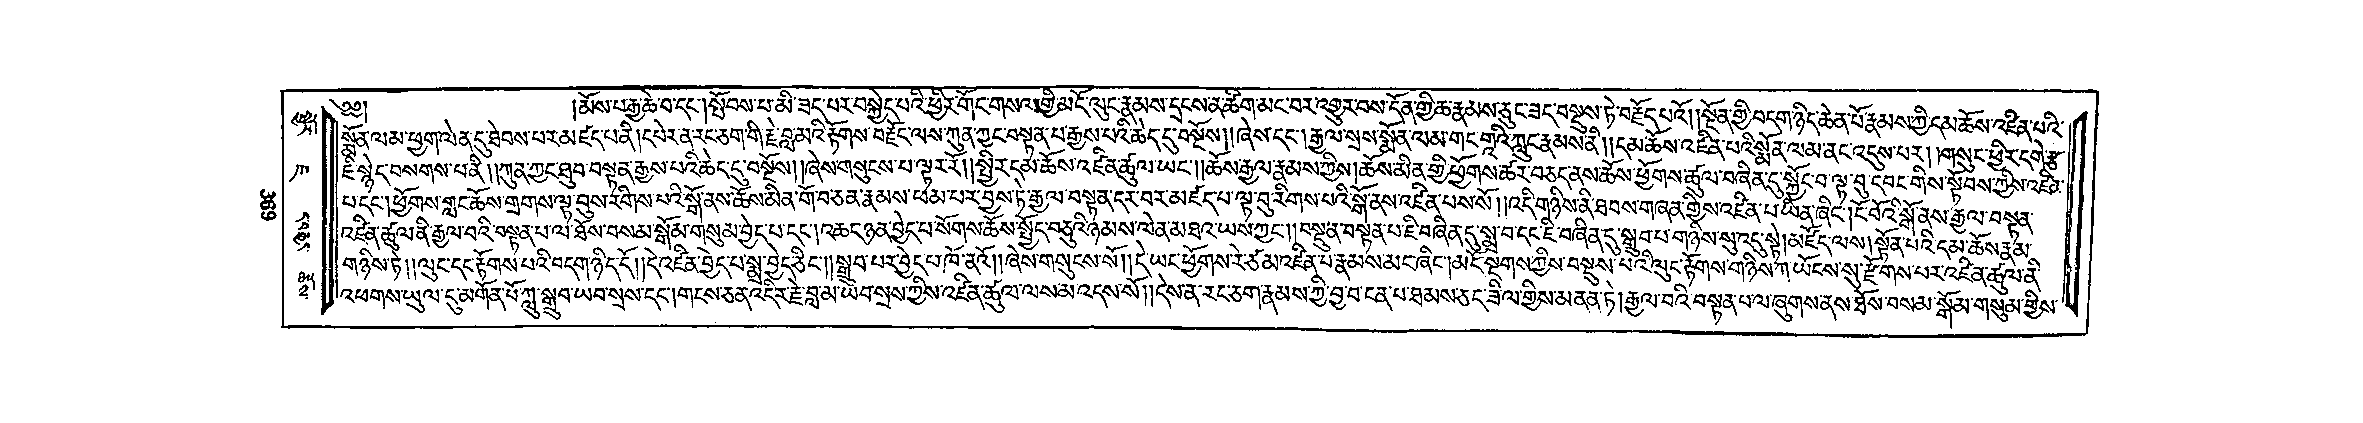༄༅། །མོས་པ་རྒྱ་ཆེ་བ་དང་། སྤོབས་པ་མི་ཟད་པར་བསྐྱེད་པའི་ཕྱིར་གོང་གསལ་གྱི་མདོ་ལུང་རྣམས་དྲངས་ན་ཚིག་མང་བར་འགྱུར་བས་དོན་གྱི་ཆ་རྣམས་ཅུང་ཟད་བསྡུས་ཏེ་བརྗོད་པའོ། །སྔོན་གྱི་བདག་ཉིད་ཆེན་པོ་རྣམས་ཀྱི་དམ་ཆོས་འཛིན་པའི་
སྨོན་ལམ་ཕྱག་ལེན་དུ་ཐེབས་པར་མཛད་པ་ནི། དཔེར་ན་རང་ཅག་གི་རྗེ་བླ་མའི་རྟོགས་བརྗོད་ལས་ཀུན་ཀྱང་བསྟན་པ་རྒྱས་པའི་ཆེད་དུ་བསྔོས། །ཞེས་དང་། རྒྱལ་སྲས་སྨོན་ལམ་གང་གཱའི་ཀླུང་རྣམས་ནི། །དམ་ཆོས་འཛིན་པའི་སྨོན་ལམ་ནང་འདུས་པར། །གསུང་ཕྱིར་དགེ་རྩ་
ཇི་སྙེད་བསགས་པ་ནི། །ཀུན་ཀྱང་ཐུབ་བསྟན་རྒྱས་པའི་ཆེད་དུ་བསྔོས། །ཞེས་གསུངས་པ་ལྟར་རོ། །སྤྱིར་དམ་ཆོས་འཛིན་ཚུལ་ཡང་། །ཆོས་རྒྱལ་རྣམས་ཀྱིས། ཆོས་མིན་གྱི་ཕྱོགས་ཚར་བཅད་ནས་ཆོས་ཕྱོགས་ཚུལ་བཞིན་དུ་སྐྱོང་བ་ལྟ་བུ་དབང་གིས་སྟོབས་ཀྱིས་འཛིན་
པ་དང་། ཕྱོགས་གླང་ཆོས་གྲགས་ལྟ་བུས་རིགས་པའི་སྒོ་ནས་ཆོས་མིན་གོ་བ་ཅན་རྣམས་ཕམ་པར་བྱས་ཏེ་རྒྱལ་བསྟན་དར་བར་མཛད་པ་ལྟ་བུ་རིགས་པའི་སྒོ་ནས་འཛིན་པས་སོ། །འདི་གཉིས་ནི་ཐབས་གཞན་གྱིས་འཛིན་པ་ཡིན་ཞིང་། ངོ་བོའི་སྒོ་ནས་རྒྱལ་བསྟན་
འཛིན་ཚུལ་ནི་རྒྱལ་བའི་བསྟན་པ་ལ་ཐོས་བསམ་སྒོམ་གསུམ་བྱེད་པ་དང་། འཆད་ཉན་བྱེད་པ་སོགས་ཆོས་སྤྱོད་བཅུའི་ཉམས་ལེན་མཐའ་ཡས་ཀྱང་། །བསྡུ་ན་བསྟན་པ་ཇི་བཞིན་དུ་སྨྲ་བ་དང་ཇི་བཞིན་དུ་སྒྲུབ་པ་གཉིས་སུ་འདུ་སྟེ། མཛོད་ལས། སྟོན་པའི་དམ་ཆོས་རྣམ་
གཉིས་ཏེ། །ལུང་དང་རྟོགས་པའི་བདག་ཉིད་དོ། །དེ་འཛིན་བྱེད་པ་སྨྲ་བྱེད་ཅིང་། །སྒྲུབ་པར་བྱེད་པ་ཁོ་ནའོ། །ཞེས་གསུངས་སོ། །དེ་ཡང་ཕྱོགས་རེ་ཙམ་འཛིན་པ་རྣམས་མང་ཞིང་། མདོ་སྔགས་ཀྱིས་བསྡུས་པའི་ལུང་རྟོགས་གཉིས་ཀ་ཡོངས་སུ་རྫོགས་པར་འཛིན་ཚུལ་ནི་
འཕགས་ཡུལ་དུ་མགོན་པོ་ཀླུ་སྒྲུབ་ཡབ་སྲས་དང་། གངས་ཅན་འདིར་རྗེ་བླ་མ་ཡབ་སྲས་ཀྱིས་འཛིན་ཚུལ་ལས་མ་འདས་སོ། །དེས་ན་རང་ཅག་རྣམས་ཀྱི་བྱ་བ་ངན་པ་ཐམས་ཅད་ཟིལ་གྱིས་མནན་ཏེ། རྒྱལ་བའི་བསྟན་པ་ལ་ཞུགས་ནས་ཐོས་བསམ་སྒོམ་གསུམ་གྱིས་